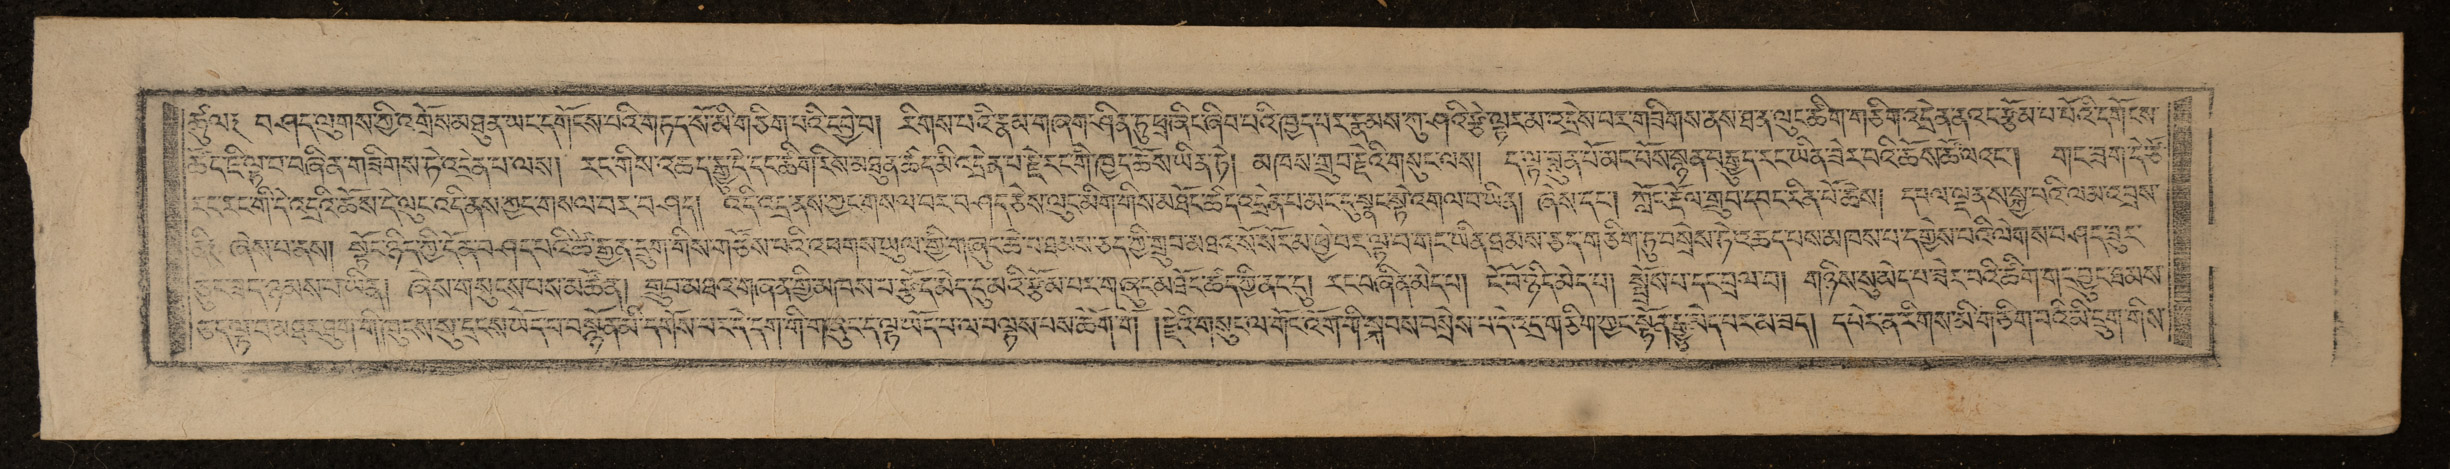ཚུལ༑ བཤད་ལུགས་ཀྱི་འགྲོས་མཐུན་ཡང་དགོངས་པའི་གཏད་སོ་མི་གཅིག་པའི་དབྱེ་བ། རིགས་པའི་རྣམ་གཞག་ཤིན་ཏུ་ཕྲ་ཞིང་ཞིབ་པའི་ཁྱད་པར་རྣམས་ཀུ་ཤའི་རྩེ་ལྟར་མ་འདྲས་བར་གཟིགས་ནས་ཐན་ལུང་ཚིག་གཅིག་འདྲེན་ནའང་རྩོམ་པ་པོའི་དགོངས་
ཚོད་ཇི་ལྟ་བ་བཞིན་གཟིགས་ཏེ་འདྲེན་པ་ལས། རང་གིས་འཆད་རྒྱུ་དེ་དང་ཚིག་རིས་མཐུན་ཚད་མི་འདྲེན་པ་རྗེ་རང་གི་ཁྱད་ཆོས་ཡིན་ཏེ། མཁས་གྲུབ་རྗེའི་གསུང་ལས། ད་ལྟ་བླུན་པོ་མང་པོས་སྙན་བརྒྱུད་རང་ཡིན་ཟེར་བའི་ཆོས་ཚོ་ལའང་། གང་ཟག་དེ་ཚོ་
རང་རང་གི་དེ་འདྲའི་ཆོས་དེ་ལུང་འདི་ནས་ཀྱང་གསལ་བར་བཤད། འདི་འདྲ་ནས་ཀྱང་གསལ་བར་བཤད་ཅེས་ལུང་མིག་གིས་མཐོང་ཚང་འདྲེན་བ་མང་དུ་སྣང་སྟེ་འགལ་བ་ཡིན། ཞེས་དང་། ཀློང་རྡོལ་གྲུབ་དབང་རིན་པོ་ཆེས། དཔལ་ལྡན་ས་སྐྱ་བའི་ལམ་འབྲས་
ནི༑ ཞེས་བ་ནས། སྟོང་ཉིད་གྱི་དོན་བཤད་པའི་ཚེ་རྒྱན་དྲུག་གིས་གཙོས་པའི་འཕགས་ཡུལ་གྱི་གཞུང་ཆེ་བ་ཐམས་ཅད་ཀྱི་གྲུབ་མཐའ་སོ་སོར་མ་ཕྱེ་བར་ལྟ་བ་གང་ཡིན་ཐམས་ཅད་གཅིག་ཏུ་བསྲེས་ཏེ་འཆད་པས་མཁས་པ་དགྱེས་པའི་ལེགས་བཤད་ཟུར་
ཅུང་ཟད་ཉམས་པ་ཡིན། ཞེས་གསུངས་པས་མཚོན། གྲུབ་མཐའ་གཞན་གྱི་མཁས་བརྩོད་མེད་དུ་མའི་རྩོམ་པར་གཞུང་མཐོང་ཚད་ཀྱི་ནང་དུ། རང་བཞིན་མེད་པ། ངོ་བོ་ཉིད་མེད་པ། སྤྲོས་པ་དང་བྲལ་བ། གཉིས་སུ་མེད་པ་ཟེར་བའི་ཚིག་གང་བྱུང་ཐམས་
ཅད་ལྟ་བ་མཐར་ཐུག་གི་ཁུངས་སུ་དྲངས་ཡོད་པ་བསྙོན་མི་དགོས་པར་དེ་དག་གི་གཞུང་ད་ལྟ་ཡོད་པ་ལ་བལྟས་པས་ཆོག་གོ །རྗེའི་གསུང་ལ་གོང་འོག་གི་སྐབས་བསྲེས་བདེ་འདྲ་གཅིག་ཀྱང་སྟོན་རྒྱུ་མེད་པར་མ་ཟད། དཔེར་ན་རིགས་མི་གཅིག་པའི་མི་དྲུག་གིས་